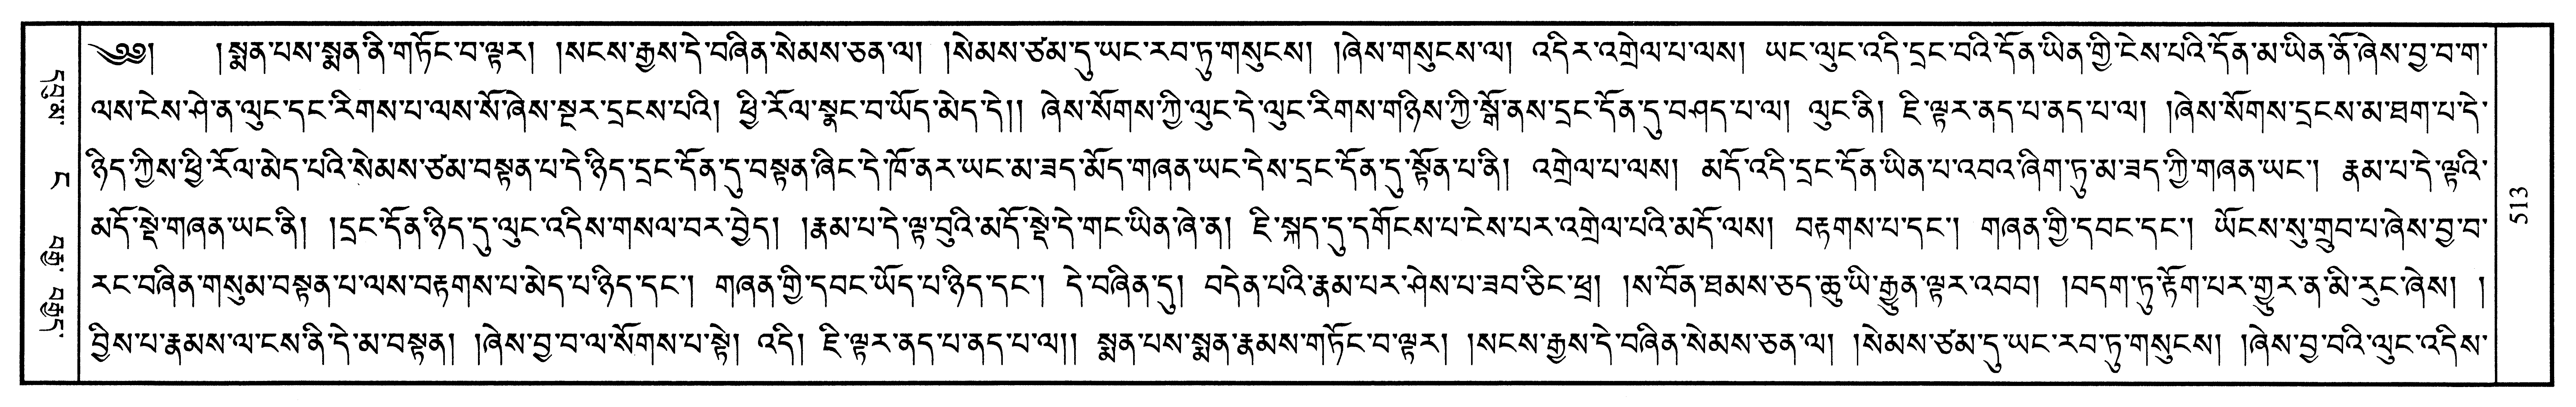༄༅། །སྨན་པས་སྨན་ནི་གཏོང་བ་ལྟར། །སངས་རྒྱས་དེ་བཞིན་སེམས་ཅན་ལ། །སེམས་ཙམ་དུ་ཡང་རབ་ཏུ་གསུངས། །ཞེས་གསུངས་ལ། འདིར་འགྲེལ་པ་ལས། ཡང་ལུང་འདི་དྲང་བའི་དོན་ཡིན་གྱི་ངེས་པའི་དོན་མ་ཡིན་ནོ་ཞེས་བྱ་བ་ག་
ལས་ངེས་ཤེ་ན་ལུང་དང་རིགས་པ་ལས་སོ་ཞེས་སྔར་དྲངས་པའི། ཕྱི་རོལ་སྣང་བ་ཡོད་མེད་དེ།། ཞེས་སོགས་ཀྱི་ལུང་དེ་ལུང་རིགས་གཉིས་ཀྱི་སྒོ་ནས་དྲང་དོན་དུ་བཤད་པ་ལ། ལུང་ནི། ཇི་ལྟར་ནད་པ་ནད་པ་ལ། །ཞེས་སོགས་དྲངས་མ་ཐག་པ་དེ་
ཉིད་ཀྱིས་ཕྱི་རོལ་མེད་པའི་སེམས་ཙམ་བསྟན་པ་དེ་ཉིད་དྲང་དོན་དུ་བསྟན་ཞིང་དེ་ཁོ་ནར་ཡང་མ་ཟད་མོད་གཞན་ཡང་དེས་དྲང་དོན་དུ་སྟོན་པ་ནི། འགྲེལ་པ་ལས། མདོ་འདི་དྲང་དོན་ཡིན་པ་འབའ་ཞིག་ཏུ་མ་ཟད་ཀྱི་གཞན་ཡང་། རྣམ་པ་དེ་ལྟའི་
མདོ་སྡེ་གཞན་ཡང་ནི། །དྲང་དོན་ཉིད་དུ་ལུང་འདིས་གསལ་བར་བྱེད། །རྣམ་པ་དེ་ལྟ་བུའི་མདོ་སྡེ་དེ་གང་ཡིན་ཞེ་ན། ཇི་སྐད་དུ་དགོངས་པ་ངེས་པར་འགྲེལ་པའི་མདོ་ལས། བརྟགས་པ་དང་། གཞན་གྱི་དབང་དང་། ཡོངས་སུ་གྲུབ་པ་ཞེས་བྱ་བ་
རང་བཞིན་གསུམ་བསྟན་པ་ལས་བརྟགས་པ་མེད་པ་ཉིད་དང་། གཞན་གྱི་དབང་ཡོད་པ་ཉིད་དང་། དེ་བཞིན་དུ། བདེན་པའི་རྣམ་པར་ཤེས་པ་ཟབ་ཅིང་ཕྲ། །ས་བོན་ཐམས་ཅད་ཆུ་ཡི་རྒྱུན་ལྟར་འབབ། །བདག་ཏུ་རྟོག་པར་གྱུར་ན་མི་རུང་ཞེས། །
བྱིས་པ་རྣམས་ལ་ངས་ནི་དེ་མ་བསྟན། །ཞེས་བྱ་བ་ལ་སོགས་པ་སྟེ། འདི། ཇི་ལྟར་ནད་པ་ནད་པ་ལ།། སྨན་པས་སྨན་རྣམས་གཏོང་བ་ལྟར། །སངས་རྒྱས་དེ་བཞིན་སེམས་ཅན་ལ། །སེམས་ཙམ་དུ་ཡང་རབ་ཏུ་གསུངས། །ཞེས་བྱ་བའི་ལུང་འདིས་